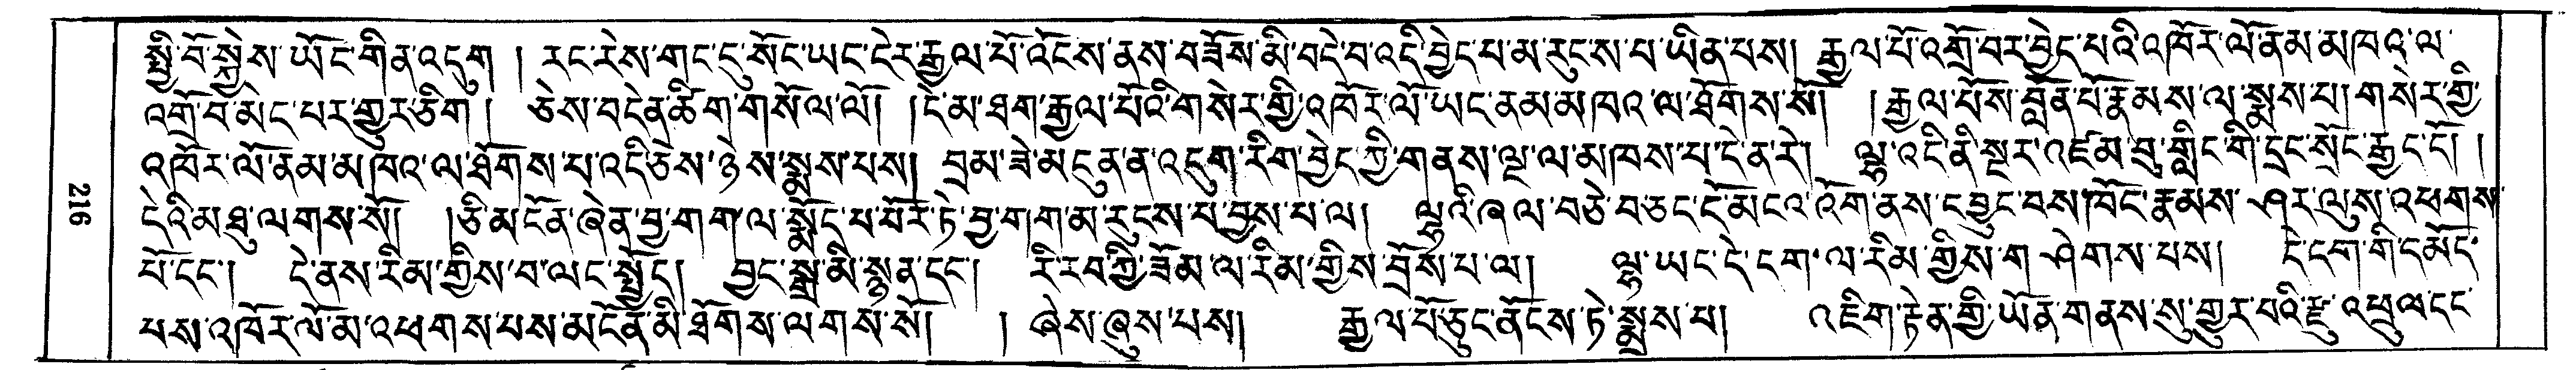སྤྱི་བོ་སྐྱེས་ཡོང་གིན་འདུག །རང་རེས་གང་དུ་སོང་ཡང་དེར་རྒྱལ་པོ་འོངས་ནས་བཟོས་མི་བདེ་བ་འདི་བྱེད་པ་མ་རུངས་པ་ཡིན་པས། རྒྱལ་པོ་འགྲོ་བར་བྱེད་པའི་འཁོར་ལོ་ནམ་མཁའ་ལ་
འགྲོ་བ་མེད་པར་གྱུར་ཅིག། ཅེས་བདེན་ཚིག་གསོལ་ལོ། །དེ་མ་ཐག་རྒྱལ་པོའི་གསེར་གྱི་འཁོར་ལོ་ཡང་ནམ་མཁའ་ལ་ཐོགས་སོ། །རྒྱལ་པོས་བློན་པོ་རྣམས་ལ་སྨྲས་པ། གསེར་གྱི་
འཁོར་ལོ་ནམ་མཁའ་ལ་ཐོགས་པ་འདི་ཅེས་ཉེས་སྨྲས་པས། བྲམ་ཟེ་མདུན་ན་འདུག་རིག་བྱེད་ཀྱི་གནས་ལྔ་ལ་མཁས་པ་དེ་ན་རེ། ལྷ་འདི་ནི་སྔར་འཛམ་བུ་གླིང་གི་དྲང་སྲོང་བརྒྱད་དོ། །
དེའི་མཐུ་ལགས་སོ། །ཅི་མངོན་ཞེ་ན་བྱ་གག་ལ་སྨོད་པ་བོར་ཏེ་བྱ་གག་མ་རུངས་པ་བྱས་པ་ལ། ལྷའི་ཞལ་བཅེ་བཅད་དེ་མངའ་འོག་ནས་དབྱུང་བས་ཁོང་རྣམས་ཤར་ལུས་འཕགས་
པོ་དང་། དེ་ནས་རིམ་གྱིས་པ་ལང་སྤྱོད། བྱང་སྒྲ་མི་སྙན་དང་། རི་རབ་ཀྱི་ཟོམ་ལ་རིམ་གྱིས་བྲོས་པ་ལ། ལྷ་ཡང་དེ་དག་ལ་རིམ་གྱིས་གཤེགས་པས། དེ་དག་གི་དམོད་
པས་འཁོར་ལོ་མ་འཕགས་པས་མངོན་མི་ཐོགས་ལགས་སོ། །ཞེས་ཞུས་པས། རྒྱལ་པོ་ཅུད་ནོངས་ཏེ་སྨྲས་པ། འཇིག་རྟེན་གྱི་ཡོན་གནས་སུ་གྱུར་པའི་རྫུ་འཕྲུལ་དང་